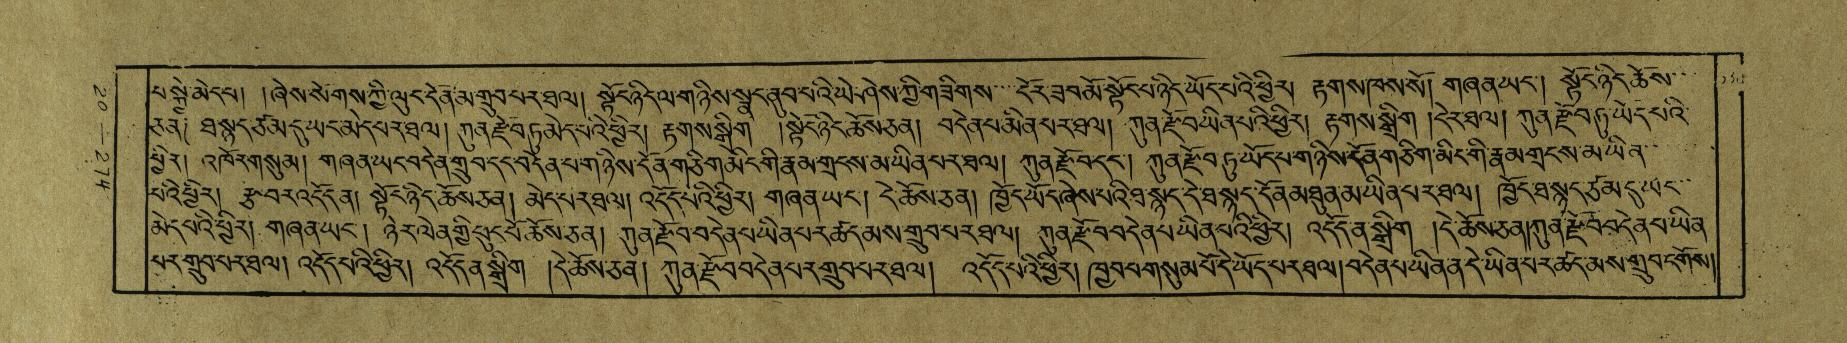པ་སྐྱེ་མེད་པ། །ཞེས་སོགས་ཀྱི་ལུང་དོན་མ་གྲུབ་པར་ཐལ། སྟོང་ཉིད་ལ་གཉིས་སྣང་ནུབ་པའི་ཡེ་ཤེས་ཀྱི་གཟིགས་ངོར་ཟབ་མོ་སྟོང་པ་ཉིད་ཡོད་པའི་ཕྱིར། རྟགས་ཁས་སོ། གཞན་ཡང་། སྟོང་ཉིད་ཆོས་
ཅན༑ ཐ་སྙད་ཙམ་དུ་ཡང་མེད་པར་ཐལ། ཀུན་རྫོབ་ཏུ་མེད་པའི་ཕྱིར། རྟགས་སྒྲིག །སྟོང་ཉིད་ཆོས་ཅན། བདེན་པ་མིན་པར་ཐལ། ཀུན་རྫོབ་ཡིན་པའི་ཕྱིར། རྟགས་སྒྲིག །དེར་ཐལ། ཀུན་རྫོབ་ཏུ་ཡོད་པའི་
ཕྱིར། འཁོར་གསུམ། གཞན་ཡང་བདེན་གྲུབ་དང་བདེན་པ་གཉིས་དོན་གཅིག་མིང་གི་རྣམ་གྲངས་མ་ཡིན་པར་ཐལ། ཀུན་རྫོབ་དང་། ཀུན་རྫོབ་ཏུ་ཡོད་པ་གཉིས་དོན་གཅིག་མིང་གི་རྣམ་གྲངས་མ་ཡིན་
པའི་ཕྱིར། རྩ་བར་འདོད་ན། སྟོང་ཉིད་ཆོས་ཅན། མེད་པར་ཐལ། འདོད་པའི་ཕྱིར། གཞན་ཡང་། དེ་ཆོས་ཅན། ཁྱོད་ཡོད་ཞེས་པའི་ཐ་སྙད་དེ་ཐ་སྙད་དོན་མཐུན་མ་ཡིན་པར་ཐལ། ཁྱོད་ཐ་སྙད་ཙམ་དུ་ཡང་
མེད་པའི་ཕྱིར། གཞན་ཡང་། ཉེར་ལེན་གྱི་ཕུང་པོ་ཆོས་ཅན། ཀུན་རྫོབ་བདེན་པ་ཡིན་པར་ཚད་མས་གྲུབ་པར་ཐལ། ཀུན་རྫོབ་བདེན་པ་ཡིན་པའི་ཕྱིར། འདོད་ན་སྒྲིག །དེ་ཆོས་ཅན། ཀུན་རྫོབ་བདེན་པ་ཡིན་
པར་གྲུབ་པར་ཐལ། འདོད་པའི་ཕྱིར། འདོད་ན་སྒྲིག །དེ་ཆོས་ཅན། ཀུན་རྫོབ་བདེན་པར་གྲུབ་པར་ཐལ། འདོད་པའི་ཕྱིར། ཁྱབ་པ་གསུམ་པོ་དེ་ཡོད་པར་ཐལ། བདེན་པ་ཡིན་ན་དེ་ཡིན་པར་ཚད་མས་གྲུབ་དགོས།